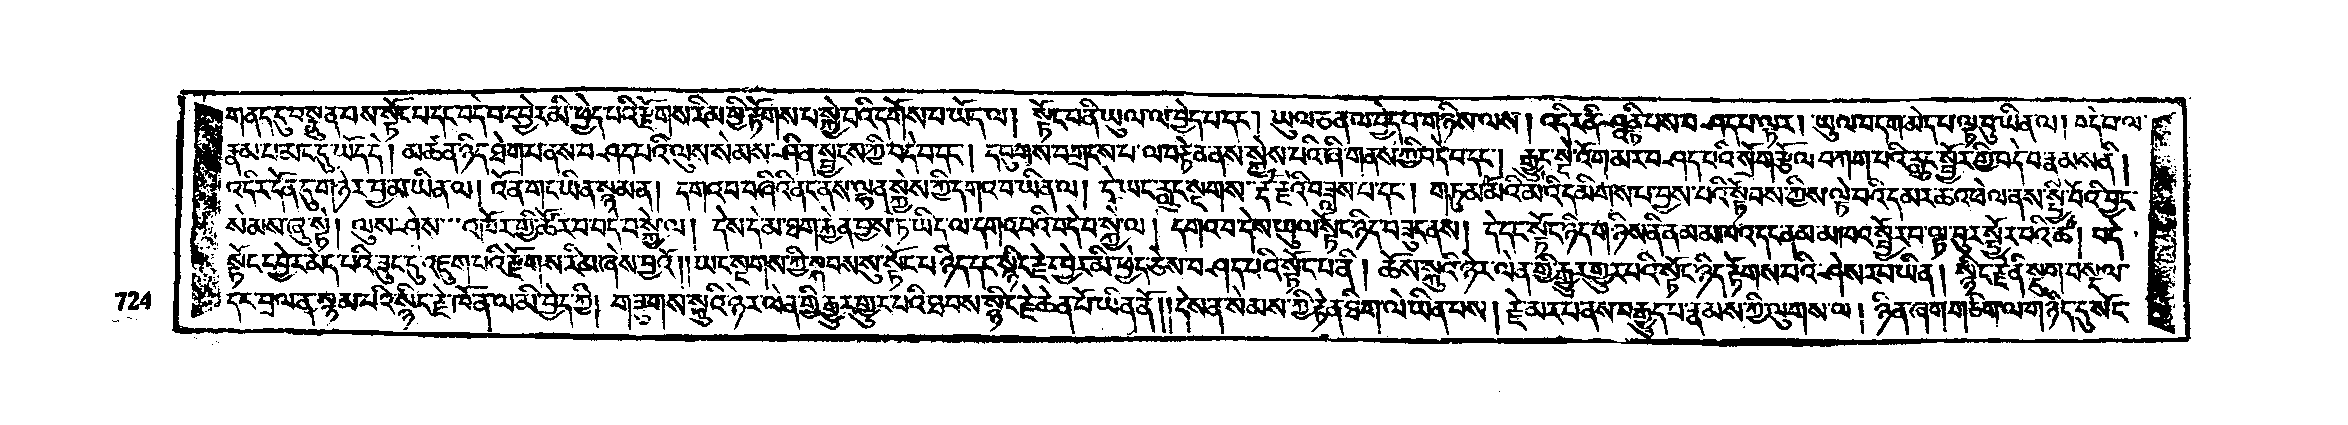གནད་དུ་བསྣུན་པས་སྟོང་པ་དང་བདེ་བ་དབྱེར་མི་ཕྱེད་པའི་རྫོགས་རིམ་གྱི་རྟོགས་པ་སྐྱེ་བའི་དགོས་པ་ཡོད་ལ། སྟོང་པ་ནི་ཡུལ་ལ་བྱེད་པ་དང་། ཡུལ་ཅན་ལ་བྱེད་པ་གཉིས་ལས། འདིར་ནི་ཤཱནྟི་པས་བཤད་པ་ལྟར། ཡུལ་བདག་མེད་པ་ལྟ་བུ་ཡིན་ལ། བདེ་བ་ལ་
རྣམ་པ་མང་དུ་ཡོད་དེ། མཚན་ཉིད་ཐེག་པ་ནས་བཤད་པའི་ལུས་སེམས་ཤིན་སྦྱངས་ཀྱི་བདེ་བ་དང་། དབུགས་བགྲངས་པ་ལ་བརྟེན་ནས་སྐྱེས་པའི་ཞི་གནས་ཀྱི་བདེ་བ་དང་། རྒྱུད་སྡེ་འོག་མར་བཤད་པའི་སྲོག་རྩོལ་བཀག་པའི་རླུང་སྦྱོར་གྱི་བདེ་བ་རྣམས་ནི།
འདིར་དོན་དུ་གཉེར་བྱ་མ་ཡིན་ལ། འོ་ན་གང་ཡིན་སྙམ་ན། དགའ་བ་བཞིའི་ནང་ནས་ལྷན་སྐྱེས་ཀྱི་དགའ་བ་ཡིན་ལ། དེ་ཡང་རླུང་སྔགས་རྡོ་རྗེའི་བཟླས་པ་དང་། གཏུམ་མོའི་མའི་དམིགས་པ་བྱས་པའི་སྟོབས་ཀྱིས་ལྟེ་བའི་དམར་ཆ་འཕེལ་ནས་སྤྱི་བོའི་བྱང་
སེམས་ཞུ་སྟེ། ལུས་ཤེས་འཁོར་གྱི་ཚོར་བ་བདེ་བ་སྐྱེ་ལ། དེས་དེ་མ་ཐག་རྐྱེན་བྱས་ཏེ་ཡིད་ལ་དགའ་བའི་བདེ་བ་སྐྱེ་ལ། དགའ་བ་དེས་ཡུལ་སྟོང་ཉིད་བཟུང་ནས། དེ་དང་སྟོང་ཉིད་གཉིས་ནི་ནམ་མཁའ་དང་ནམ་མཁའ་སྦྱོར་བ་ལྟ་བུར་སྦྱོར་བའི་ཚེ། བདེ་
སྟོང་དབྱེར་མེད་པའི་ཟུང་དུ་འཇུག་པའི་རྫོགས་རིམ་ཞེས་བྱའོ། །ཡང་སྔགས་ཀྱི་སྐབས་སུ་སྟོང་པ་ཉིད་དང་སྙིང་རྗེ་དབྱེར་མི་ཕྱེད་ཅེས་བཤད་པའི་སྟོང་པ་ནི། ཆོས་སྐུའི་ཉེར་ལེན་གྱི་རྒྱུར་གྱུར་པའི་སྟོང་ཉིད་རྟོགས་པའི་ཤེས་རབ་ཡིན། སྙིང་རྗེ་ནི་སྡུག་བསྔལ་
དང་བྲལ་ན་སྙམ་པའི་སྙིང་རྗེ་ཁོ་ན་ལ་མི་བྱེད་ཀྱི། གཟུགས་སྐུའི་ཉེར་ལེན་གྱི་རྒྱུར་གྱུར་བའི་ཐབས་སྙིང་རྗེ་ཆེན་པོ་ཡིན་ནོ། །དེས་ན་སེམས་ཀྱི་རྟེན་ཐིག་ལེ་ཡིན་པས། རྗེ་མར་པ་ནས་བརྒྱུད་པ་རྣམས་ཀྱི་ལུགས་ལ། ཉིན་ཞག་གཅིག་ལ་གཉིད་དུ་སོང་